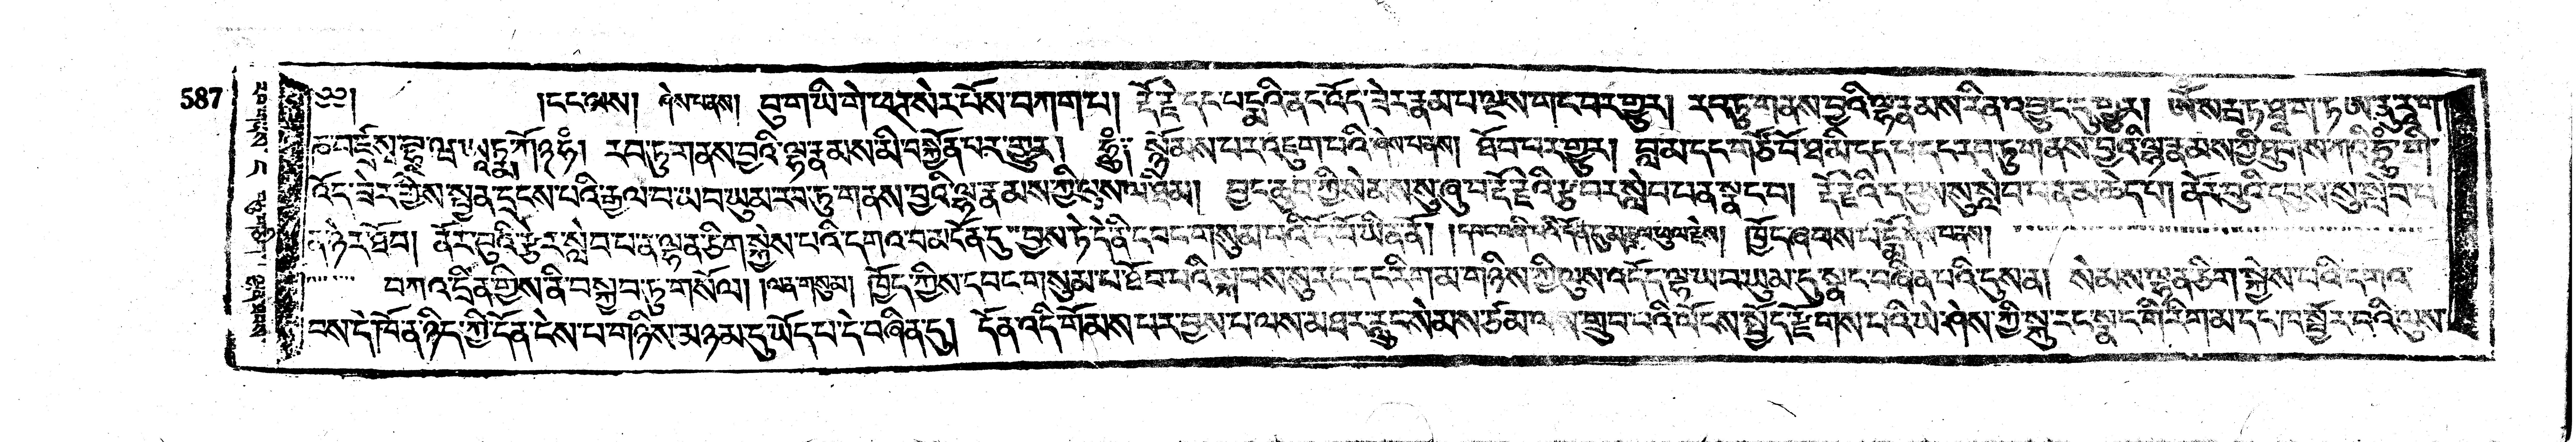༄༅། །ངང་ལས། ཞེས་པ་ནས།  བུ་ག་ཡི་གེ་ཕཊ་སེར་པོས་བཀག་པ། རྡོ་རྗེ་དང་པདམའི་ནང་འོད་ཟེར་རྣམ་པ་ལྔས་གང་བར་གྱུར། རབ་ཏུ་གནས་བྱའི་ལྷ་རྣམས་རིན་འབྱུང་དུ་གྱུར། ཨོཾ་སརྦ་ཏ་ཐཱ་ག་ཏ་ཨ་ནུ་རཱ་ག་
ཎ་བཛྲ་སྭ་བྷཱ་ཝ་ཨཱཏྨ་ཀོཉཧཾ། རབ་ཏུ་གནས་བྱའི་ལྷ་རྣམས་མི་བསྐྱོན་པར་གྱུར། ཧཱུཾ༑ སྙོམས་པར་འཇུག་པའི་ཞེས་བ་ནས། ཐོབ་པར་གྱུར། བླ་མ་དང་གཙོ་བོ་ཐ་མི་དད་པ་དང་རབ་ཏུ་གནས་བྱའི་ལྷ་རྣམས་ཀྱི་ཐུགས་ཀའི་ཧཱུཾ་གི་
འོད་ཟེར་གྱིས་སྤྱན་དྲངས་པའི་རྒྱལ་བ་ཡབ་ཡུམ་རབ་ཏུ་གནས་བྱའི་ལྷ་རྣམས་ཀྱི་ལུས་ལ་ཐིམ། བྱང་ཆུབ་ཀྱི་སེམས་སུ་ཞུ་བ་རྡོ་རྗེའི་རྩ་བར་སླེབ་བ་ན་སྣང་བ། རྡོ་རྗེའི་དབུས་སུ་སླེབ་པ་ན་མཆེད་པ། ནོར་བུའི་དབུས་སུ་སླེབ་པ་
ན་ཉེར་ཐོབ། ནོར་བུའི་རྩེར་སླེབ་པ་ན་ལྷན་ཅིག་སྐྱེས་པའི་དགའ་བ་མངོན་དུ་་་བྱས་ཏེ་དེ་ནི་དབང་གསུམ་པའི་ངོ་བོ་ཡིན་ནོ། །དབང་བཞི་པའི་དོན་དུ་མཎྜལ་ཕུལ་རྗེས།  ཁྱོད་ཞབས་པདམོ་ཞེས་པ་ནས།
་་་བཀའ་དྲིན་གྱིས་ནི་བསྐྱབ་ཏུ་གསོལ། །ལན་གསུམ།  ཁྱོད་ཀྱིས་དབང་གསུམ་པ་ཐོབ་པའི་སྐབས་སུ་རང་དང་རིག་མ་གཉིས་ཀྱི་ལུས་འདོད་ལྷ་ཡབ་ཡུམ་དུ་སྣང་བཞིན་པའི་དུས་ན། སེམས་ལྷན་ཅིག་སྐྱེས་པའི་དགའ་
བས་དེ་ཁོ་ན་ཉིད་ཀྱི་དོན་ངེས་པ་གཉིས་མཉམ་དུ་ཡོད་པ་དེ་བཞིན་དུ། དོན་འདི་གོམས་པར་བྱས་པ་ལས་མཐར་རླུང་སེམས་ཙམ་ལས་གྲུབ་པའི་ལོངས་སྤྱོད་རྫོགས་པའི་ཡེ་ཤེས་ཀྱི་སྐུ་རང་སྣང་གི་རིག་མ་དང་ཁ་སྦྱོར་བའི་ལུས་